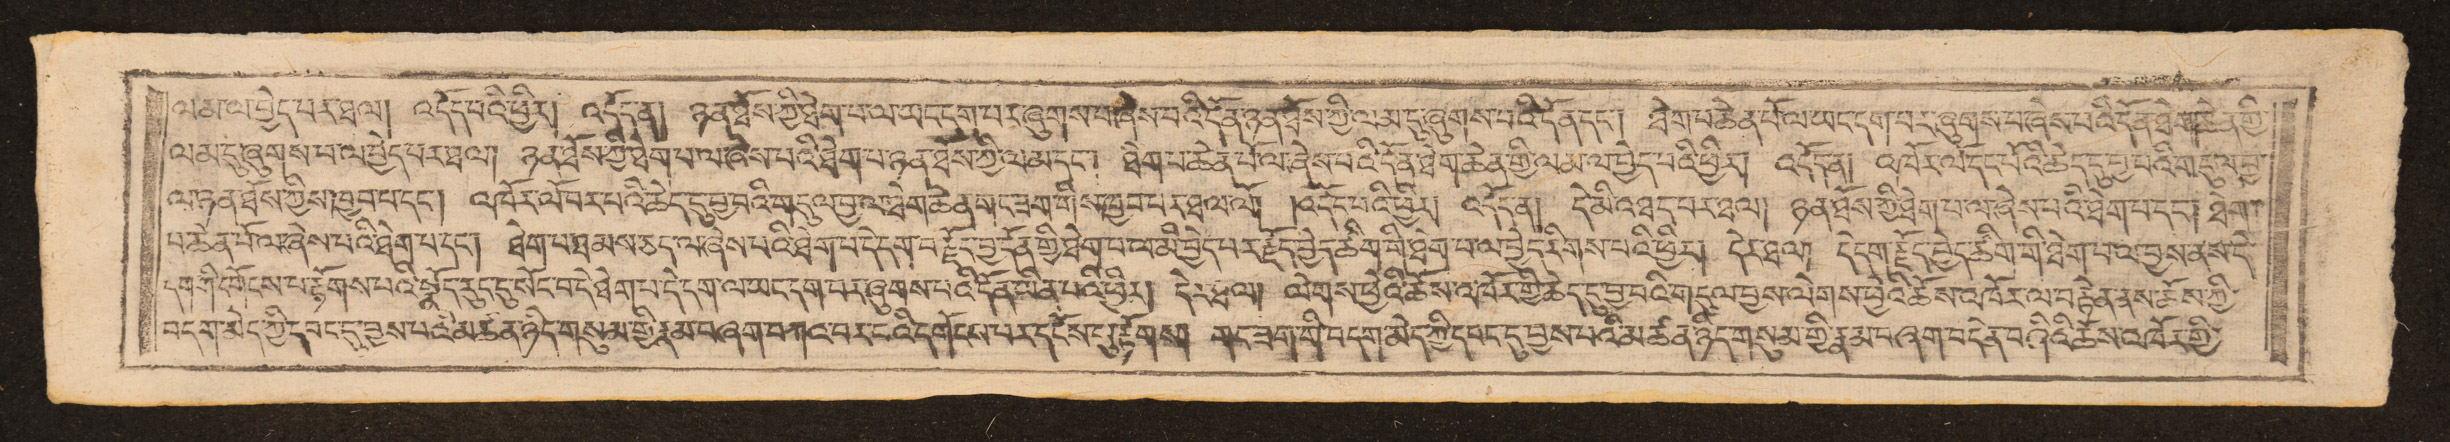ལམ་ལ་བྱེད་པར་ཐལ། འདོད་པའི་ཕྱིར། འདོད་ན། ཉན་ཐོས་ཀྱི་ཐེག་པ་ལ་ཡང་དག་པར་ཞུགས་པ་ཞེས་པའི་དོན་ཉན་ཐོས་ཀྱི་ལམ་དུ་ཞུགས་པའི་དོན་དང་། ཐེག་པ་ཆེན་པོ་ལ་ཡང་དག་པར་ཞུགས་པ་ཞེས་པའི་དོན་ཐེག་ཆེན་གྱི་
ལམ་དུ་ཞུགས་པ་ལ་བྱེད་པར་ཐལ། ཉན་ཐོས་ཀྱི་ཐེག་པ་ལ་ཞེས་པའི་ཐེག་པ་ཉན་ཐོས་ཀྱི་ལམ་དང་། ཐེག་པ་ཆེན་པོ་ལ་ཞེས་པའི་དོན་ཐེག་ཆེན་གྱི་ལམ་ལ་བྱེད་པའི་ཕྱིར། འདོད་ན། འཁོར་ལོ་དང་པོའི་ཆེད་དུ་བྱ་བའི་གདུལ་བྱ་
ལ་ཉན་ཐོས་ཀྱིས་ཁྱབ་པ་དང་། འཁོར་ལོ་བར་པའི་ཆེད་དུ་བྱ་བའི་གདུལ་བྱ་ལ་ཐེག་ཆེན་གང་ཟག་གིས་ཁྱབ་པར་ཐལ་ལོ། །འདོད་པའི་ཕྱིར། འདོད་ན། དེ་མི་འཐད་པར་ཐལ། ཉན་ཐོས་ཀྱི་ཐེག་པ་ལ་ཞེས་པའི་ཐེག་པ་དང་། ཐེག་
པ་ཆེན་པོ་ལ་ཞེས་པའི་ཐེག་པ་དང་། ཐེག་པ་ཐམས་ཅད་ལ་ཞེས་པའི་ཐེག་པ་དེ་དག་བརྗོད་བྱ་དོན་གྱི་ཐེག་པ་ལ་མི་བྱེད་པར་རྗོད་བྱེད་ཚིག་གི་ཐེག་པ་ལ་བྱེད་རིགས་པའི་ཕྱིར། དེར་ཐལ། དེ་དག་རྗོད་བྱེད་ཚིག་གི་ཐེག་པ་ལ་བྱས་ནས་དེ་
དག་གི་དགོངས་པ་རྟོགས་པའི་སྣོད་རུང་དུ་སོང་བ་དེ་ཐེག་པ་དེ་དག་ལ་ཡང་དག་པར་ཞུགས་པའི་དོན་ཡིན་པའི་ཕྱིར། དེར་ཐལ། ལེགས་ཕྱེའི་ཆོས་འཁོར་གྱི་ཆེད་དུ་བྱ་བའི་གདུལ་བྱས་ལེགས་ཕྱེའི་ཆོས་འཁོར་ལ་བརྟེན་ནས་ཆོས་ཀྱི་
བདག་མེད་ཀྱི་དབང་དུ་བྱས་པའི་མཚན་ཉིད་གསུམ་གྱི་རྣམ་བཞག་བཀའ་བར་བའི་དགོངས་པར་དངོས་སུ་རྟོགས། གང་ཟག་གི་བདག་མེད་ཀྱི་དབང་དུ་བྱས་པའི་མཚན་ཉིད་གསུམ་གྱི་རྣམ་བཞག་བདེན་བཞིའི་ཆོས་འཁོར་གྱི་